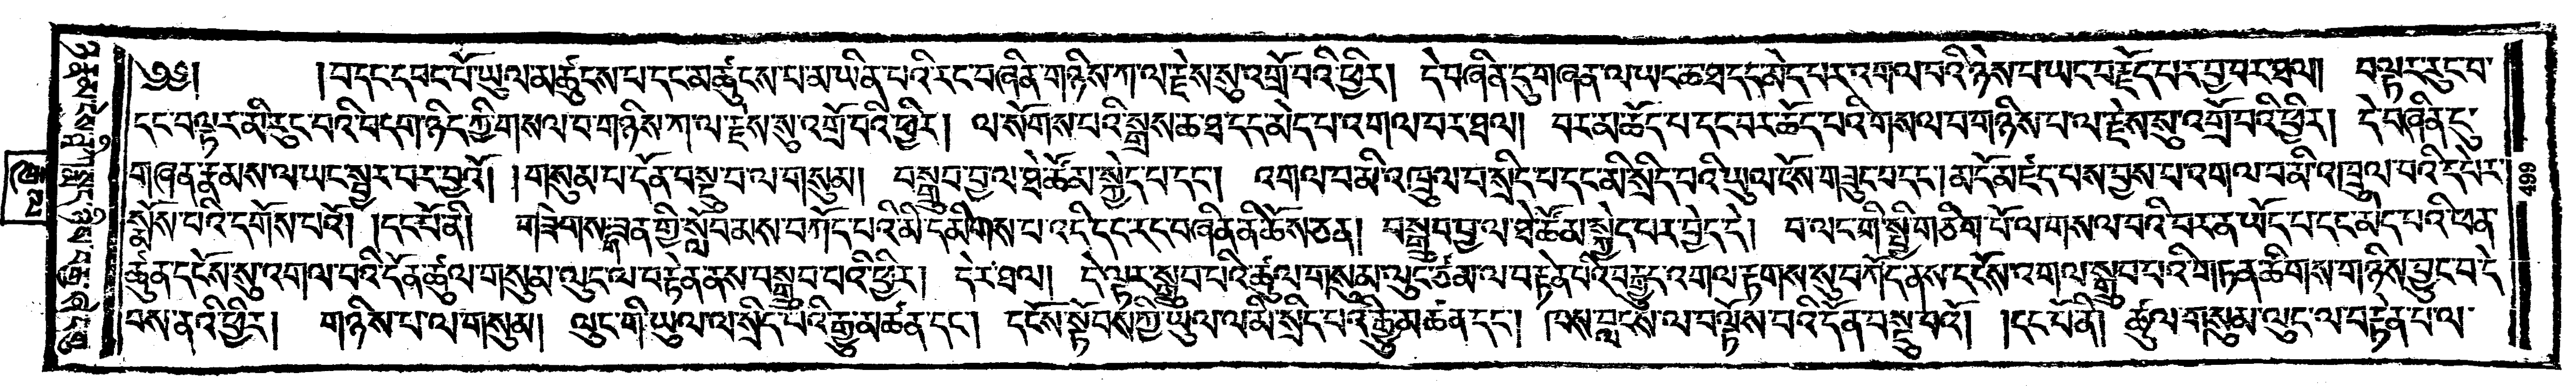༄༅། །བ་དང་དབང་པོ་ཡུལ་མཚུངས་པ་དང་མཚུངས་པ་མ་ཡིན་པའི་རང་བཞིན་གཉིས་ཀ་ལ་རྗེས་སུ་འགྲོ་བའི་ཕྱིར། དེ་བཞིན་དུ་གཞན་ལ་ཡང་ཆ་ཐ་དད་མེད་པར་འགལ་བའི་ཉེས་པ་ཡང་བརྗོད་པར་བྱ་བར་ཐལ། བལྟར་རུང་བ་
དང་བལྟར་མི་རུང་བའི་བདག་ཉིད་ཀྱི་གསལ་བ་གཉིས་ཀ་ལ་རྗེས་སུ་འགྲོ་བའི་ཕྱིར། ལ་སོགས་པའི་སྒྲས་ཆ་ཐ་དད་མེད་པ་འགལ་བར་ཐལ། བར་མཆོད་པ་དང་བར་ཆོས་པའི་གསལ་བ་གཉིས་པ་ལ་རྗེས་སུ་འགྲོ་བའི་ཕྱིར། དེ་བཞིན་དུ་
གཞན་རྣམས་ལ་ཡང་སྦྱར་བར་བྱའོ། །གསུམ་པོ་དོན་བསྡུ་བ་ལ་གསུམ། བསྒྲུབ་བྱ་ལ་ཐེ་ཚོ་མ་སྐྱེད་པ་དང་འགལ་བའི་མི་འཁྲུལ་བ་སྲིད་པ་དང་མི་སྲིད་པའི་ཡུལ་ངོས་གཟུང་བ་དང་། མདོ་མཛད་པས་བྱས་པ་འགལ་བ་མི་འཁྲུལ་བའི་དཔེར་
སྨོས་པའི་དགོས་པའོ། །དང་པོ་ནི། གཟེགས་གཟན་གྱི་སློབ་མས་བཀོད་པའི་མི་དམིགས་པ་འདི་དང་རང་བཞིན་ནི་ཆོས་ཅན། བསྒྲུབ་བྱ་ལ་ཐེ་ཚོམ་སྐྱེད་པར་བྱེད་དེ། བ་ལང་གི་སྤྱི་གཅིག་པོ་ལ་གསལ་བའི་བར་ན་ཡོད་པ་དང་མེད་པའི་ཕན་
ཚུན་དངོས་སུ་འགལ་བའི་དོན་ཚུལ་གསུམ་ལུང་ལ་བརྟེན་ནས་བསྒྲུབ་པའི་ཕྱིར། དེར་ཐལ། དེ་ལྟར་སྒྲུབ་པའི་ཚུལ་གསུམ་ལུང་ཙམ་ལ་བརྟེན་པའི་བརྒྱུད་འགལ་རྟགས་སུ་བཀོད་ནས་དངོས་འགལ་སྒྲུབ་པའི་གཏན་ཚིགས་གཉིས་བྱུང་བ་དེ་
བས་ནའི་ཕྱིར། གཉིས་པ་ལ་གསུམ། ལུང་གི་ཡུལ་ལ་སྲིད་པའི་རྒྱུ་མཚན་དང་། དངོས་སྟོབས་ཀྱི་ཡུལ་ལ་མི་སྲིད་པའི་རྒྱུ་མཚན་དང་། ཁས་བླངས་ལ་བལྟོས་པའི་དོན་བསྡུ་བའོ། །དང་པོ་ནི། ཚུལ་གསུམ་ལུང་ལ་བརྟེན་པ་ལ་